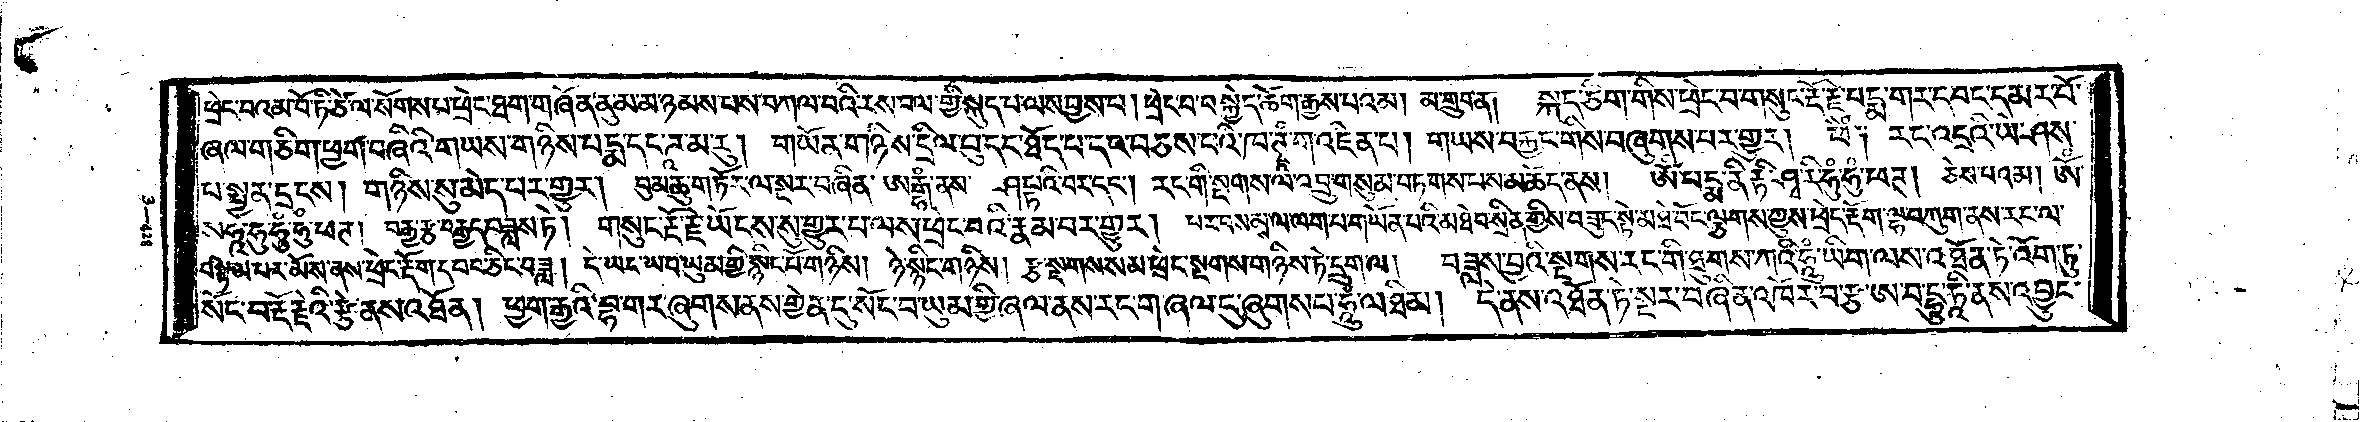ཕྲེང་བའམ་བོ་ཏི་ཙེ་ལ་སོགས་པ་ཕྲེང་ཐག་གཞོན་ནུ་མ་མ་ཉམས་པས་བཀལ་བའི་རས་བལ་གྱི་སྐུད་པ་ལས་བྱས་པ། ཕྲེང་བ་བསྐྱེད་ཆོག་རྒྱས་པའམ། མ་གྲུབ་ན།  སྐད་ཅིག་གིས་ཕྲེང་བ་གསུང་རྡོ་རྗེ་པདམ་གར་དབང་དམར་པོ་
ཞལ་གཅིག་ཕྱག་བཞིའི་གཡས་གཉིས་པདམ་དང་ཌཱ་མ་རུ། གཡོན་གཉིས་དྲིལ་བུ་དང་ཐོད་པ་དང་བཅས་པའི་ཁ་ཊྭཱཾ་ག་འཇིན་པ། གཡས་བརྐྱང་གིས་བཞུགས་པར་གྱུར། ཕཻཾ༑ རང་འདྲའི་ཡེ་ཤས་
པ་སྤྱན་དྲངས། གཉིས་སུ་མེད་པར་གྱུར། བུམ་ཆུ་གཏོར་ལ་སྔར་བཞིན་ཨརྒྷཾ་ནས་ཤཔྟའི་བར་དང་། རང་གི་སྔགས་ལ་འབྲུ་གསུམ་བཏགས་པས་མཆེད་ནས། ཨོཾ་པདམ་ནི་རྟི་ཤྭ་རི་ཧུཾ་ཧུཾ་ཕཊ། ཅེས་པའམ།  ཨོཾ་
སཧཱ་ཧུ་ཧུཾ་ཧཱུཾ་ཕཊ། བརྒྱ་རྩ་བརྒྱད་བཟླས་ཏེ། གསུང་རྡོ་རྗེ་ཡོངས་སུ་གྱུར་པ་ལས་ཕྲེང་བའི་རྣམ་པར་གྱུར། པར་བསམས་ལ་ལག་པ་གཡོན་པའི་མཐེབ་སྲིན་གྱིས་བཟུང་སྟེ་མཐེ་བོང་ལྕགས་ཀྱུས་ཕྲེད་རྡོག་ལྷ་བཀུག་ནས་རང་ལ་
བསྙེམ་པར་མོས་ནས་ཕྲེང་རྡོག་དབང་ཆིང་བཟླ། དེ་ཡང་ཡབ་ཡུམ་གྱི་སྙིང་པོ་གཉིས། ཉེ་སྙིང་གཉིས། རྩ་སྔགས་སམ་ཕྲེང་སྔགས་གཉིས་ཏེ་དྲུག་ལ། བཟླས་བྱའི་སྔགས་རང་གི་ཐུགས་ཀའི་ཧཱུཾ་ཡིག་ལས་འཐོན་ཏེ་འོག་ཏུ་
སོང་བ་རྡོ་རྗེའི་རྩེ་ནས་འཐོན། ཕྱག་རྒྱའི་བྷ་གར་ཞུགས་ནས་གྱེན་དུ་སོང་བ་ཡུམ་གྱི་ཞལ་ནས་རང་གཞལ་དུ་ཞུགས་པ་ཧཱུཾ་ལ་ཐིམ། དེ་ནས་འཐོན་ཏེ་སྔར་བཞིན་འཁོར་བ་རྩ་ཨ་བ་དྷཱུ་ཏཱི་ནས་འབྱུང་